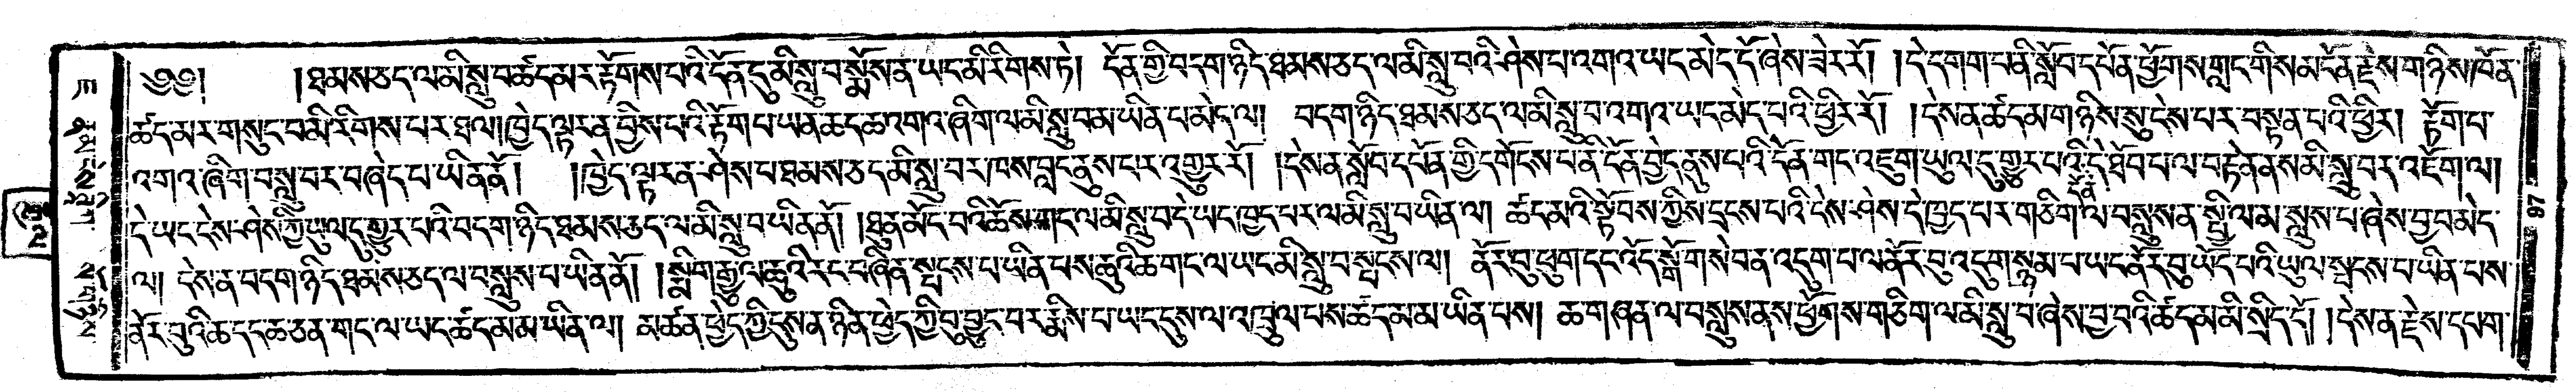༄༅། །ཐམས་ཅད་ལ་མི་སླུ་བ་ཚད་མར་རྟོགས་པའི་དོན་དུ་མི་སླུ་བ་སྨོས་ན་ཡང་མི་རིགས་ཏེ། དོན་གྱི་བདག་ཉིད་ཐམས་ཅད་ལ་མི་སླུ་བའི་ཤེས་པ་འགའ་ཡང་མེད་དོ་ཞེས་ཟེར་རོ། །དེ་དགག་པ་ནི་སློབ་དཔོན་ཕྱོགས་གླང་གིས་མངོན་རྗེས་གཉིས་ཁོ་ན་
ཚད་མར་གསུང་བ་མི་རིགས་པར་ཐལ། ཁྱེད་ལྟར་ན་བྱིས་པའི་རྟོག་པ་ཡན་ཆད་ཆ་འགའ་ཞིག་ལ་མི་སླུ་བ་མ་ཡིན་པ་མེད་ལ། བདག་ཉིད་ཐམས་ཅད་ལ་མི་སླུ་བ་འགའ་ཡང་མེད་པའི་ཕྱིར་རོ། །དེས་ན་ཚད་མ་གཉིས་སུ་ངེས་པར་བསྟན་པའི་ཕྱིར། རྟོག་པ་
འགའ་ཞིག་བསླུ་བར་བཞེད་པ་ཡིན་ནོ། །ཁྱེད་ལྟར་ན་ཤེས་པ་ཐམས་ཅད་མི་སླུ་བར་ཁས་བླང་ནུས་པར་འགྱུར་རོ། །དེས་ན་སློབ་དཔོན་གྱི་དགོངས་པ་ནི་དོན་བྱེད་ནུས་པའི་དོན་གང་འཇུག་ཡུལ་དུ་གྱུར་པའི་དོན་དེ་ཐོབ་པ་ལ་བརྟེན་ནས་མི་སླུ་བར་འཇོག་ལ།
དེ་ཡང་ངེས་ཤེས་ཀྱི་ཡུལ་དུ་གྱུར་པའི་བདག་ཉིད་ཐམས་ཅད་ལ་མི་སླུ་བ་ཡིན་ནོ། །ཐུན་མོང་བའི་ཆོས་གང་ལ་མི་སླུ་བ་དེ་ཡང་ཁྱད་པར་ལ་མི་སླུ་བ་ཡིན་ལ། ཚད་མའི་སྟོབས་ཀྱིས་དྲངས་པའི་ངེས་ཤེས་དེ་ཁྱད་པར་གཅིག་ལ་བསླུས་ན་སྤྱི་ལ་མ་སླུས་པ་ཞེས་བྱ་བ་མེད་
ལ། དེས་ན་བདག་ཉིད་ཐམས་ཅད་ལ་བསླུས་པ་ཡིན་ནོ། །སྨིག་རྒྱུ་ལ་ཆུའི་རང་བཞིན་སྤངས་པ་ཡིན་པས་ཆུའི་ཆ་གང་ལ་ཡང་མི་སླུ་བ་སྤངས་ལ། ནོར་བུ་ཕུག་དང་འོད་སྒོ་གསེབ་ན་འདུག་པ་ལ་ནོར་བུ་འདུག་སྙམ་པ་ཡང་ནོར་བུ་ཡོད་པའི་ཡུལ་སྤངས་པ་ཡིན་པས་
ནོར་བུའི་ཆ་དང་ཆ་ཅན་གང་ལ་ཡང་ཚད་མ་མ་ཡིན་ལ། མཚན་ཕྱེད་ཀྱི་དུས་ན་ཉིན་ཕྱེད་ཀྱི་བུ་བྱུང་བར་རྨིས་པ་ཡང་དུས་ལ་འཁྲུལ་པས་ཚད་མ་མ་ཡིན་པས། ཆ་གཞན་ལ་བསླུས་ནས་ཕྱོགས་གཅིག་ལ་མི་སླུ་བ་ཞེས་བྱ་བའི་ཚད་མ་མི་སྲིད་དོ། །དེས་ན་རྗེས་དཔག་